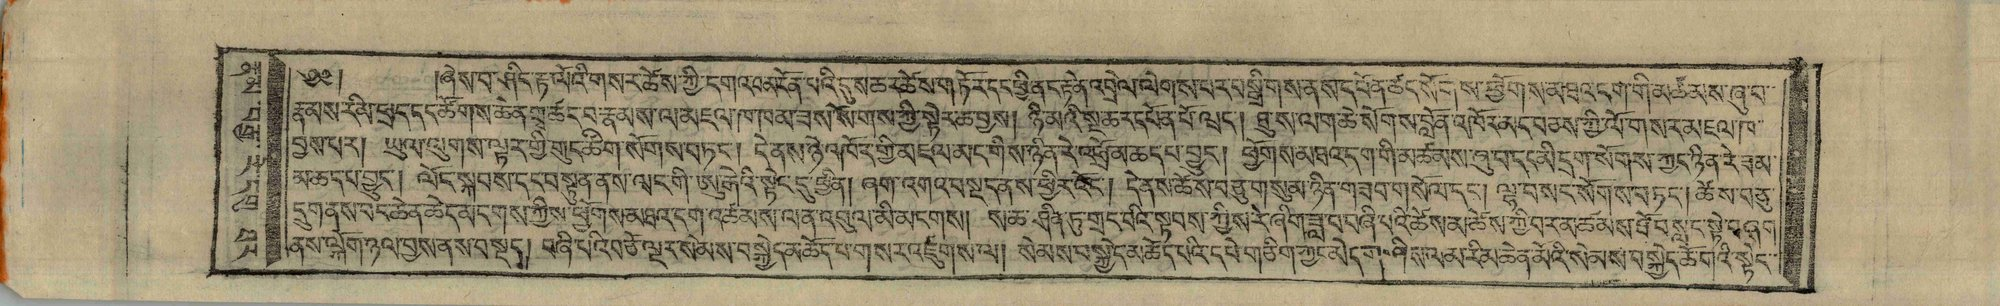༄༅། །ཞེས་པ་ཤིང་རྟ་ལོའི་གསར་ཚེས་ཀྱི་དགའ་བ་མངོན་པའི་དུས་ཆར་ཚེས་གཏོར་དང་ཕྱི་ནང་རྟེན་འབྲེལ་ལེགས་པར་བསྒྲིགས་ནས་དཔོན་ཚང་སོགས་ཕྱོགས་མཐའ་དག་གི་མཚམས་ཞུ་བ་
རྣམས་རིམ་ཕྲད་དང་ཚོགས་ཆེན་གྲྭ་ཚང་བ་རྣམས་ལ་མཇལ་ཁ་ཁམ་ཟས་སོགས་ཀྱི་སྟེར་ཆ་བྱས། ཉི་མའི་སྔ་ཆར་དཔོན་པོ་ཝང་། ཐུ་ས་ལག་ཆེ་སོགས་བློན་འཁོར་མང་བཅས་ཀྱི་ལོ་གསར་མཇལ་ཁ་
བྱས་པར། ཡུལ་ལུགས་ལྟར་གྱི་གུང་ཚིག་སོགས་བཏང་། དེ་ནས་ཉེ་འཁོར་གྱི་མཇལ་མང་གིས་ཉིན་རེ་འཕྲོ་མ་ཆད་པ་བྱུང་། ཕྱོགས་མཐའ་དག་གི་མཚམས་ཞུ་བ་དང་མི་དྲག་སོགས་ཀྱང་ཉིན་རེ་ཟམ་
མ་ཆད་པ་བྱུང་། ལོང་སྐབས་དང་བསྟུན་ནས་ཝང་གི་ཨུ་རྒེའི་སྟེང་དུ་ཕྱིན། ཞག་འགའ་བསྡད་ནས་ཕྱིར་འོང་། དེ་ནས་ཚེས་བཅུ་གསུམ་ཉིན་གཟབ་གསོལ་དང་། ལྷ་བསང་སོགས་བཏང་། ཚེས་བཅུ་
དྲུག་ནས་བང་ཆེན་ཆེད་མངགས་ཀྱིས་ཕྱོགས་མཐའ་དག་འཚམས་ལན་འབུལ་མི་མངགས། ས་ཆ་ཤིན་ཏུ་གྲང་བའི་སྟབས་ཀྱིས་རེ་ཞིག་ཟླ་བ་བཞི་པའི་ཚེས་མ་ཚེས་ཀྱི་བར་མཚམས་ཐོ་བསླང་སྟེ་བཞག་
ནས་ལྐོག་ཉལ་བྱས་ནས་བསྡད། བཞི་པའི་བཅོ་ལྔར་སེམས་བསྐྱེད་མཆོད་པ་གསར་འཛུགས་ལ། སེམས་བསྐྱེད་མཆོད་པའི་དཔེ་གཅིག་ཀྱང་མེད་གཤིས་ལམ་རིམ་ཆེན་མོའི་སེམས་བསྐྱེད་ཆོ་གའི་སྟེང་